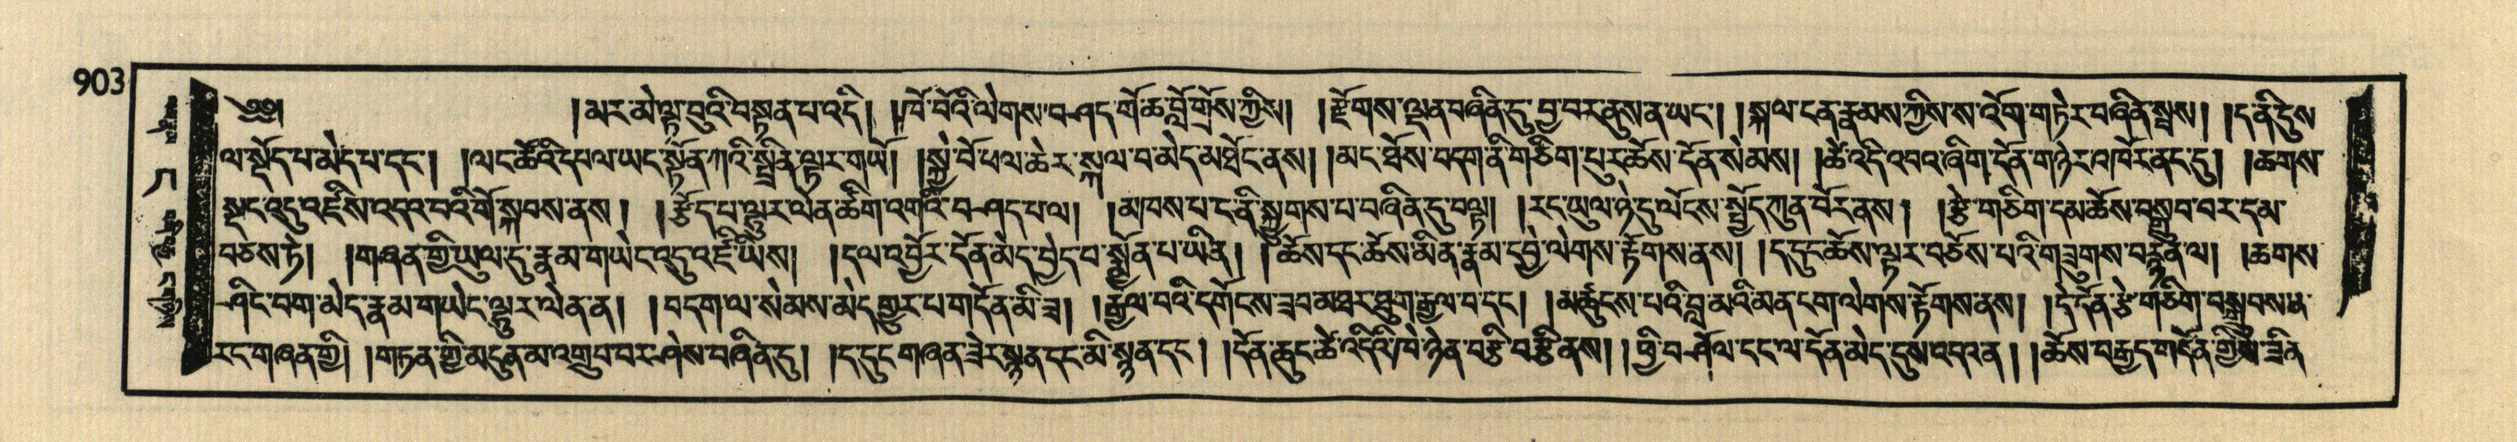༄༅། །མར་མེ་ལྟ་བུའི་བསྟན་པ་འདི། །ཁོ་བོའི་ལེགས་བཤད་གོ་ཆ་བློ་གྲོས་ཀྱིས། །རྫོགས་ལྡན་བཞིན་དུ་བྱ་བར་ནུས་ན་ཡང་། །སྐལ་ངན་རྣམས་ཀྱིས་ས་འོག་གཏེར་བཞིན་སྦས། །ད་ནི་དུས་
ལ་སྡོད་པ་མེད་པ་དང་། །ལང་ཚོའི་དཔལ་ཡང་སྟོན་ཀའི་སྤྲིན་ལྟར་གཡོ། །སྐྱེ་བོ་ཕལ་ཆེར་སྐལ་བ་མེད་མཐོང་ནས། །མང་ཐོས་བདག་ནི་གཅིག་པུར་ཆོས་དོན་སེམས། །ཚེ་འདི་འབའ་ཞིག་དོན་གཉེར་འཁོར་ནང་དུ། །ཆགས་
སྡང་འདུ་འཛིས་འདའ་བའི་གོ་སྐབས་ནས། །རྩོད་པ་ལྷུར་ལེན་ཚིག་འགའི་བཤད་པ་ལ། །མཁས་པ་ང་ནི་སྐྱུགས་པ་བཞིན་དུ་བལྟ། །རང་ཡུལ་ཉེ་དུ་ལོངས་སྤྱོད་ཀུན་བོར་ནས། །རྩེ་གཅིག་དམ་ཆོས་བསྒྲུབ་བར་དམ་
བཅས་ཏེ། །གཞན་གྱི་ཡུལ་དུ་རྣམ་གཡེང་འདུ་འཛི་ཡིས། །དལ་འབྱོར་དོན་མེད་བྱེད་པ་སྨྱོན་པ་ཡིན། །ཆོས་དང་ཆོས་མིན་རྣམ་དབྱེ་ལེགས་རྟོགས་ནས། །ད་དུང་ཆོས་ལྟར་བཅོས་པའི་གཟུགས་བརྙན་ལ། །ཆགས་
ཤིང་བག་མེད་རྣམ་གཡེང་ལྷུར་ལེན་ན། །བདག་ལ་སེམས་མེད་གྱུར་པ་གདོན་མི་ཟ། །རྒྱལ་བའི་དགོངས་ཟབ་མཐར་ཐུག་རྒྱལ་བ་དང་། །མཚུངས་པའི་བླ་མའི་མན་ངག་ལེགས་རྟོགས་ནས། །དེ་དོན་རྩེ་གཅིག་བསྒྲུབས་ན་
རང་གཞན་གྱི། །གཏན་གྱི་མདུན་མ་འགྲུབ་བར་ཤེས་བཞིན་དུ། །ད་དུང་གཞན་ཟེར་སྙན་དང་མི་སྙན་དང་། །དོན་ཆུང་ཚེ་འདིའི་ཁེ་ཉེན་བརྩི་བརྩི་ནས། །ཕྱི་བཤོལ་དང་ལ་དོན་མེད་དུས་འདའ་ན། །ཆོས་བརྒྱད་གདོན་གྱིས་ཟིན་